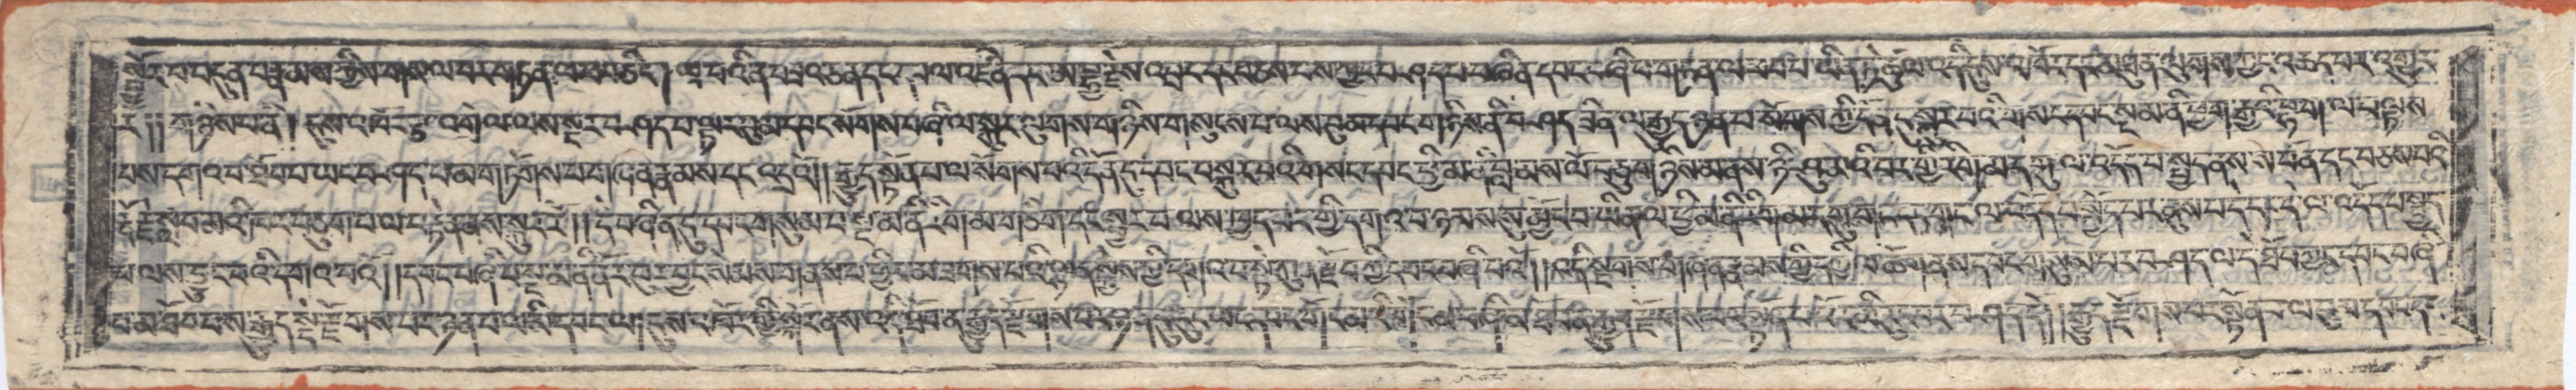སྦྱོར་བ་བདུན་པ་རྣམས་ཀྱིས་གསལ་བར་གཏན་ལ་ཕབ་ཅིང་། ལ་བའི་ན་བཟའ་ཅན་དང་དཔལ་འཛིན་དང་ཨ་བྷྱ་རྗེས་འབྲང་དང་བཅས་པས་ཀྱང་བཤད་པ་བཞིན་དབང་བཞི་པ་གཏན་ལ་ཕབ་པ་ཡིན་ཏེ་ཚུལ་འདི་དུས་འཁོར་དང་མཐུན་ལུགས་ཀྱང་འཆད་པར་འགྱུར་
རོ༑ ༑གཉིས་པ་ནི། དུས་འཁོར་རྩ་འགྲེལ་ལས་སྔར་བཤད་པ་ལྟར་བུམ་དབང་སོགས་བཞི་ལ་སྐུར་ལུགས་གཉིས་གསུངས་པ་ལས་བུམ་དབང་གཉིས་ནི་བཤད་ཟིན་ལ་རྒྱུད་ཉན་པ་སོགས་ཀྱི་དོན་དུ་སྐུར་བའི་གསང་དབང་སྔ་མ་ནི་ཕྱག་རྒྱའི་བྷ་ག་ལ་བལྟས་
པས་དགའ་བ་ཐོབ་པ་ཡང་བཤད་པ་མ་གཏོགས་པ་གཞན་རྣམས་དང་འདྲའོ། །རྒྱུད་སྟོན་པ་ལ་སོགས་པའི་དོན་དུ་དབང་བསྐུར་བའི་གསང་དབང་ཕྱི་མ་ནི་བླ་མས་ལོ་བཅུ་གཉིས་མ་ནས་ཉི་ཤུ་མའི་བར་གྱི་རིག་མ་དགུ་ལ་འདོད་པ་སྤྱད་ནས་ས་བོན་དང་བཅས་པའི་
རྡོ་རྗེ་སློབ་མའི་ཁར་བཅུག་པ་ལ་བརྟེན་ནས་སྐུར་རོ། །དེ་བཞིན་དུ་དབང་གསུམ་པ་སྔ་མ་ནི་རིག་མ་གཅིག་དང་སྦྱར་བ་ལས་ཁྱད་པར་གྱི་དགའ་བ་ཉམས་སུ་མྱོང་བ་ཡིན་ལ་ཕྱི་མ་ནི་རིག་མ་དགུ་གང་དང་གང་ལ་འདོད་པ་སྤྱོད་པར་ནུས་པ་དེ་དང་དེ་ལ་འདོད་པ་སྤྱད་
པ་ལས་བྱུང་བའི་དགའ་བའོ། །དབང་བཞི་པ་སྔ་མ་ནི་ནོར་བུར་བྱང་སེམས་གནས་པ་ཕྱིར་མ་ཟགས་པའི་ལྷན་སྐྱེས་ཀྱི་དགའ་བ་སྟེ་ཀུན་རྫོབ་ཀྱི་དབང་བཞི་པའོ། །འདི་སྔགས་གཞན་རྣམས་ཀྱི་དཀྱིལ་ཆོག་ནས་དབང་གསུམ་པར་བཤད་ལ་དེ་ཐོབ་ཀྱང་དབང་བཞི་
པ་མ་ཐོབ་པས་རྒྱུད་སྡེ་རྫོགས་པར་ཉན་པ་ལ་མི་དབང་ལ། དུས་འཁོར་གྱི་སྐོར་ནས་འདི་ཐོབ་ན་རྒྱུད་རྫོགས་པར་ཉན་དུ་རུང་ཡང་དབང་གོང་མའི་གོང་མ་བཞི་མ་ཐོབ་ན་རྒྱུད་རྫོགས་པར་སྟོན་པ་པོར་མི་རུང་བར་བཤད་དོ། །རྒྱུད་རྫོགས་པར་སྟོན་པ་ལ་བུམ་དབང་དང་